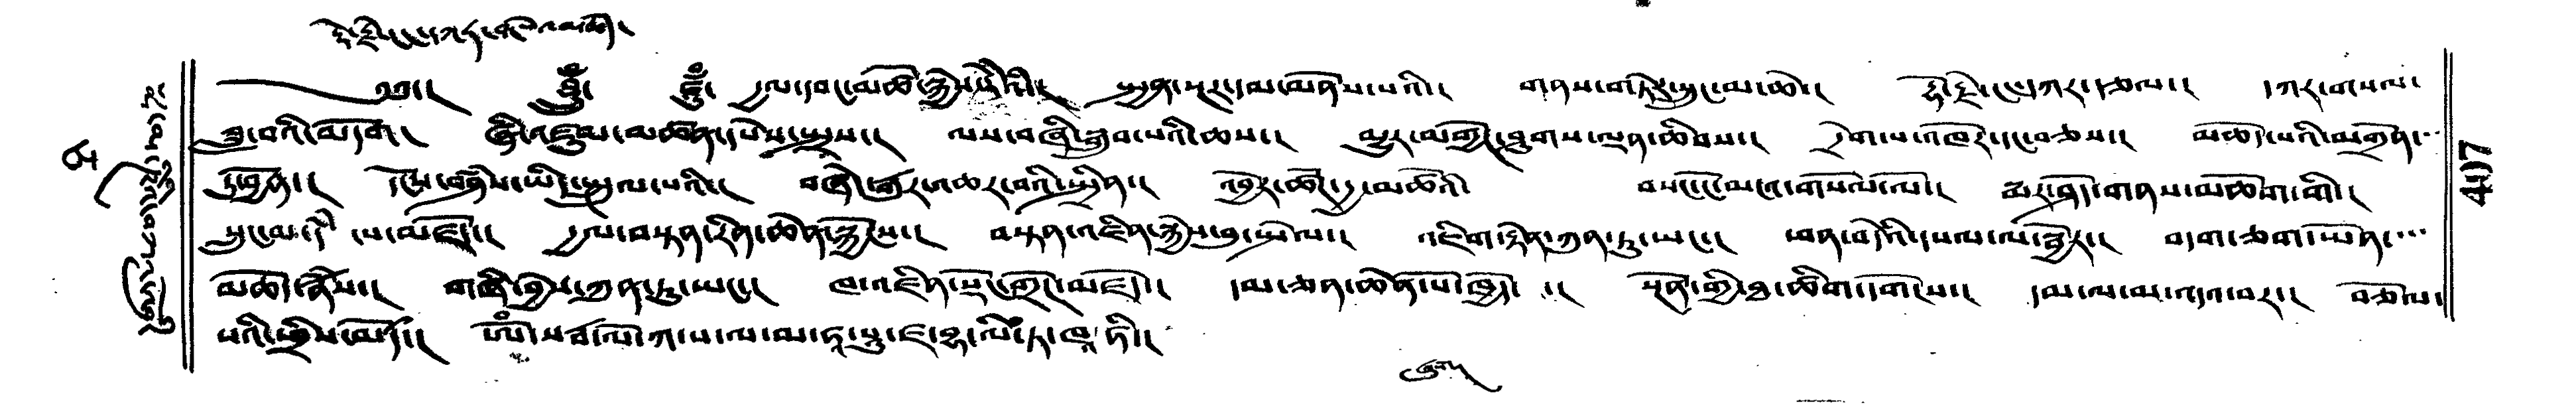༄༅། རྡོ་རྗེ་ངང་དཀར་གསོལ་མཆོད། བྷྲུྃ། ཧཱུྃ། རྒྱལ་དབང་མཚོ་སྐྱེས་རྗེའི། །སྤྱན་སྔར་དམ་མནོས་པའི། །གནས་གཏེར་སྲུང་མ་ཆེ། །རྡོ་རྗེ་ངང་དཀར་རྩལ། །དཀར་གསལ་
ཟླ་བའི་མདོག །ཞི་འཛུམ་མཚན་དཔེས་སྤྲས། །ལས་བཞི་སྒྲུབ་པའི་ཆས། །མྱུར་མགྱོགས་ཤུགས་ལྡན་བཅྀབས། །དྲེགས་པ་འཁོར་དང་བཅས། །མཆོད་པའི་མགྲོན་
དུ་བྱོན། །དངོས་བཤམས་ཡིད་སྤྲུལ་པའི། །དགྱེས་རྒུར་འཆར་བའི་སྤྲིན། །འབྱོར་ཚོགས་རྒྱ་མཚོ་ཡིས། །བསང་ངོ་མངའ་གསོལ་ལོ། །སྨར་ཤོད་གནས་མཆོག་གི །
སྲུང་མ་དམ་པ་མཛོད། །རྒྱལ་བསྟན་རིན་ཆེན་སྐྱོངས། །བསྟན་འཛིན་སྐྱེས་བུ་སྤེལ། །འཇིག་རྟེན་ཀུན་ཏུ་ཡང་། །ཕན་བདེའི་དཔལ་ལ་སྦྱོར། །བདག་ཅག་ཡོན་
མཆོད་རྣམས། །གཞིས་བྱེས་ཀུན་ཏུ་ཡང་། ཁ་འཛིན་སྡོང་གྲོགས་མཛོད། །དམ་ཅན་ཆེན་པོ་ཁྱོད། །སྔོན་གྱི་ཐ་ཚིག་དགོངས། །དམ་ལ་མ་འདའ་བར། །བཅོལ་
པའི་ཕྲིན་ལས་མཛོད། ཨོཾ་སརྦ་ལོ་ཀ་པ་ལ་མ་ཧཱ་པཱུ་ཛ་བྷ་ལིཾ་ཏ་ཁཱ་ཧི། དགེའོ།།